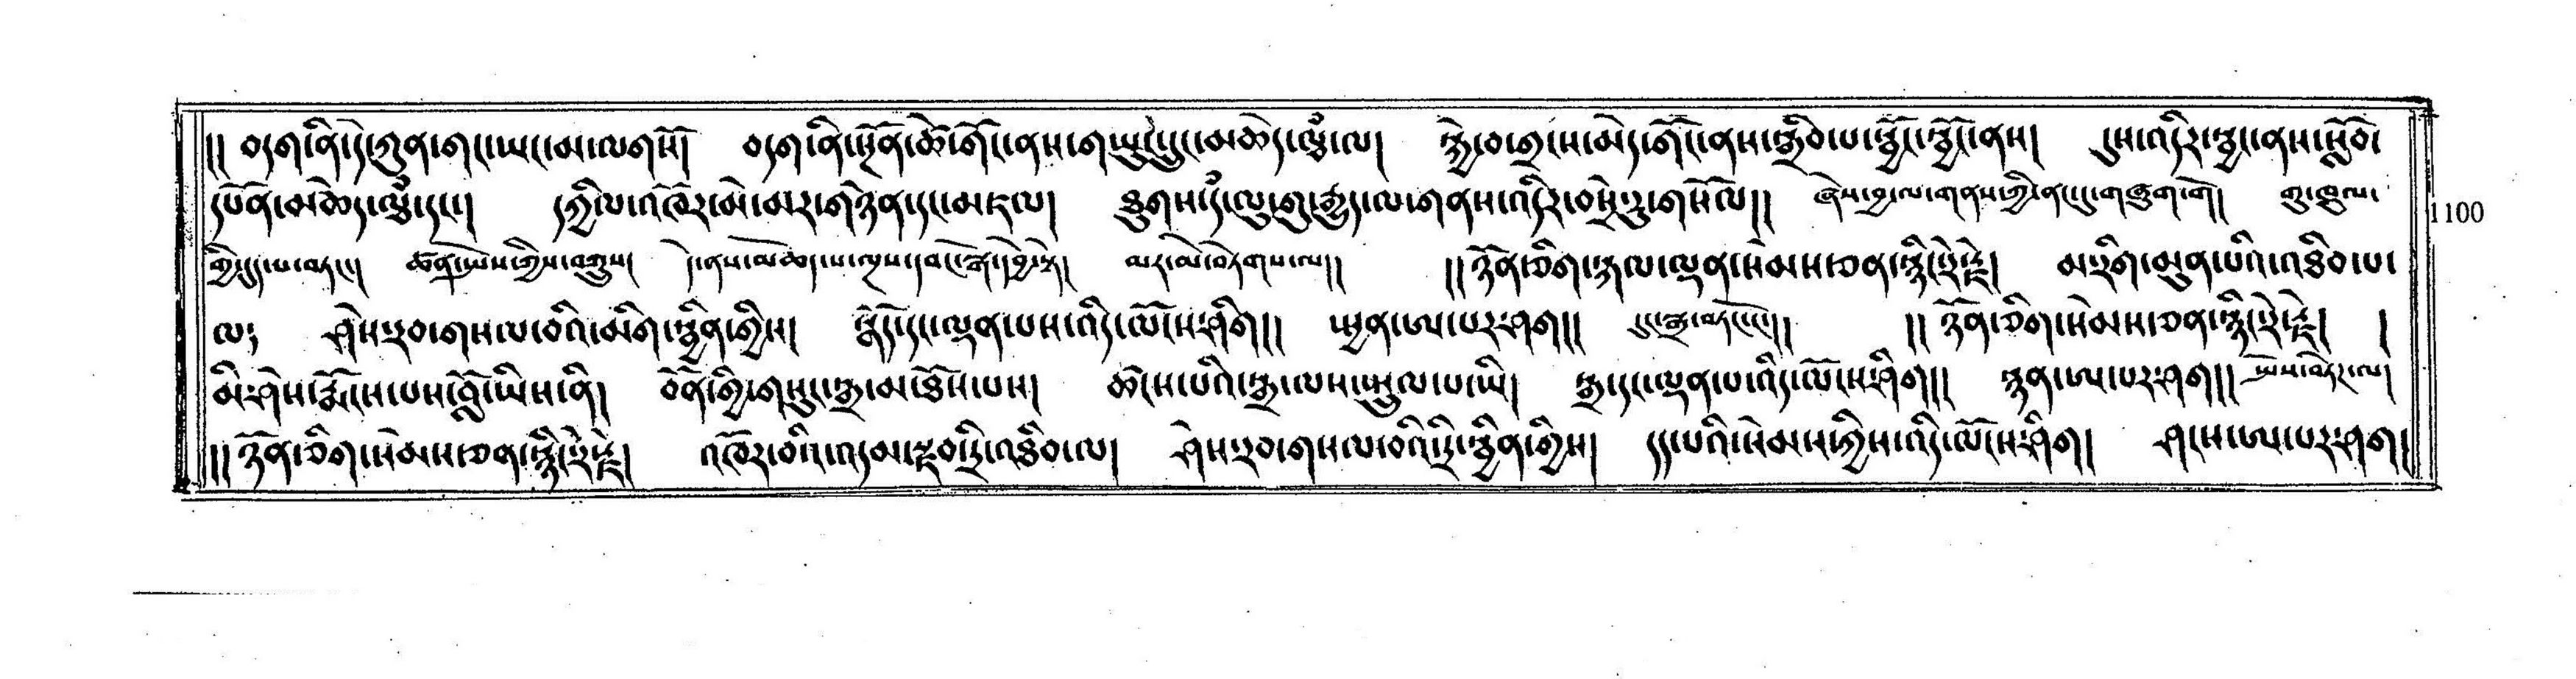།།བདག་ནི་དེ་ཀུན་གང་ཡང་མ་ལགས་སོ།། བདག་ནི་སྔོན་ཚེ་གོང་ནས་གཡུང་དྲུང་མཆེད་ལྕམ་ལ། སྐྱེ་བ་གྲངས་མེད་གོང་ནས་སྒྲིབ་པ་སྦྱོང་སྦྱོང་ནས། དུས་འདིར་སྒྲིབ་པ་སྦྱང་ནས་སློབ་
དཔོན་མཆེད་ལྕམ་དང་། དཀྱིལ་འཁོར་མེ་མར་གཉེན་དང་མཇལ། ཐུགས་དམ་ལུ་གུ་རྒྱུད་ལ་གནས་འདིར་བསྲེ་རུ་གསོལ།། ཞེས་བྱ་ལ་གནས་ཀྱི་ནང་དུ་གཞུག་གོ གུ་ཁུལ་
གྱི་དུད་པ་བཏང་། ཚན་སྤོས་ཀྱིས་བཀྲུས། དེ་ནས་མཆོད་པ་ལྔས་དབང་སྒོ་དབྱེ་སྟེ། མར་{1119}མེ་བཏེགས་ལ།། །།ཉོན་ཅིག་སྐལ་ལྡན་སེམས་ཅན་སྙིང་རེ་རྗེ། མ་རིག་མུན་པའི་འཐིབ་པ་
ལ། ཤེས་རབ་གསལ་བའི་མིག་སྦྱིན་གྱིས། སྣོད་དང་ལྡན་པས་འདི་ལོངས་ཤིག སྤྱན་ཨ་པར་ཤག དུང་སྒྲ་བཏང་ངོ་།། །།ཉོན་ཅིག་སེམས་ཅན་སྙིང་རེ་རྗེ། 
མི་ཤེས་རྨོངས་པས་བློ་ཡིས་ནི། བོན་གྱི་གསུང་སྒྲ་མ་ཐོས་པས། ཚངས་པའི་སྒྲ་ལས་སྤྲུལ་པ་ཡི། སྒྲ་དང་ལྡན་པ་འདི་ལོངས་ཤིག སྙན་ཨ་པར་ཤག །སྤོས་བཏེགས་ལ།། །།
ཉོན་ཅིག་སེམས་ཅན་སྙིང་རེ་རྗེ། འཁོར་བའི་འདམ་རྫབ་དྲི་འཐིབ་ལ། ཤེས་རབ་གསལ་བའི་དྲི་སྦྱིན་གྱིས། དད་པའི་སེམས་ཀྱིས་འདི་ལོངས་ཤིག ཤངས་ཨ་པར་ཤག